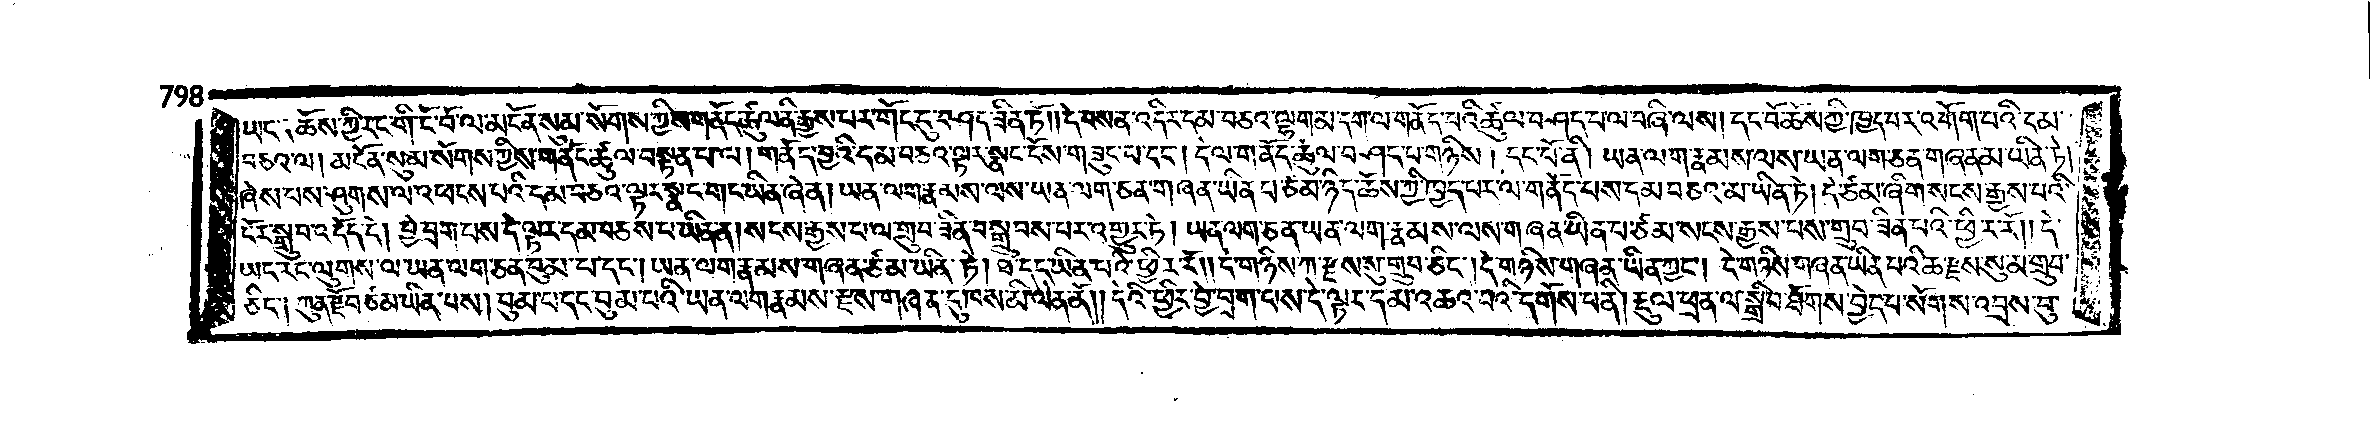ཡང་། ཆོས་ཀྱི་རང་གི་ངོ་བོ་ལ་མངོན་སུམ་སོགས་ཀྱིས་གནོད་ཚུལ་ནི་རྒྱས་པར་གོང་དུ་བཤད་ཟིན་ཏོ། དེ་བས་ན་འདིར་དམ་བཅའ་ལྷག་མ་དག་ལ་གནོད་པའི་ཚུལ་བཤད་པ་ལ་བཞི་ལས། དང་པོ་ཆོས་ཀྱི་ཁྱད་པར་འགོག་པའི་དམ་
བཅའ་ལ། མངོན་སུམ་སོགས་ཀྱིས་གནོད་ཚུལ་བསྟན་པ་ལ། གནོད་བྱའི་དམ་བཅའ་ལྟར་སྣང་ངོས་གཟུང་པ་དང་། དེ་ལ་གནོད་ཚུལ་བཤད་པ་གཉིས། དང་པོ་ནི། ཡན་ལག་རྣམས་ལས་ཡན་ལག་ཅན་གཞན་མ་ཡིན་ཏེ།
ཞེས་པས་ཤུགས་ལ་འཕངས་པའི་དམ་བཅའ་ལྟར་སྣང་གང་ཡིན་ཞེ་ན། ཡན་ལག་རྣམས་ལས་ཡན་ལག་ཅན་གཞན་ཡིན་པ་ཙམ་ཉིད་ཆོས་ཀྱི་ཁྱད་པར་ལ་གནོད་པས་དམ་བཅའ་མ་ཡིན་ཏེ། དེ་ཙམ་ཞིག་སངས་རྒྱས་པའི་
ངོར་སྒྲུབ་འདོད་དེ། བྱེ་བྲག་པས་དེ་ལྟར་དམ་བཅས་པ་ཡིན་ན། སངས་རྒྱས་པ་ལ་གྲུབ་ཟིན་བསྒྲུབས་པར་འགྱུར་ཏེ། ཡན་ལག་ཅན་ཡན་ལག་རྣམས་ལས་གཞན་ཡིན་པ་ཙམ་སངས་རྒྱས་པས་གྲུབ་ཟིན་པའི་ཕྱིར་རོ། །དེ་
ཡང་རང་ལུགས་ལ་ཡན་ལག་ཅན་བུམ་པ་དང་། ཡན་ལག་རྣམས་གཞན་ཙམ་ཡིན་ཏེ། ཐ་དད་ཡིན་པའི་ཕྱིར་རོ། །དེ་གཉིས་ཀ་རྫས་སུ་གྲུབ་ཅིང་། དེ་གཉིས་གཞན་ཡིན་ཀྱང་། དེ་གཉིས་གཞན་ཡིན་པའི་ཆ་རྫས་སུ་མ་གྲུབ་
ཅིང་། ཀུན་རྫོབ་ཙམ་ཡིན་པས། བུམ་པ་དང་བུམ་པའི་ཡན་ལག་རྣམས་རྫས་གཞན་དུ་ཁས་མི་ལེན་ནོ། །དེའི་ཕྱིར་བྱེ་བྲག་པས་དེ་ལྟར་དམ་འཆའ་བའི་དགོས་པ་ནི། རྡུལ་ཕྲན་ལ་སྒྲིབ་ཐོགས་བྱེད་པ་སོགས་འབྲས་བུ་